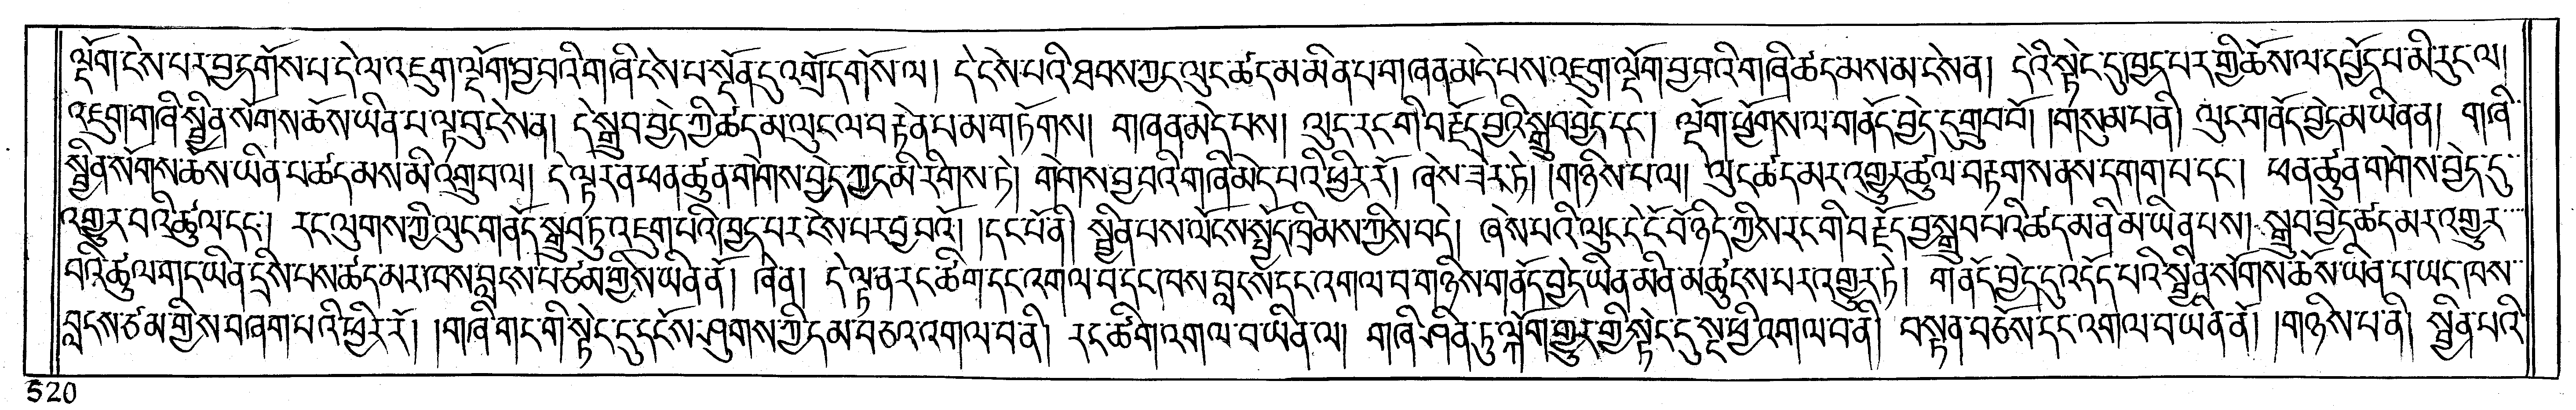ལྡོག་ངེས་པར་བྱ་དགོས་པ་དེ་ལ་འཇུག་ལྡོག་བྱ་བའི་གཞི་ངེས་པ་སྔོན་དུ་འགྲོ་དགོས་ལ། དེ་ངེས་པའི་ཐབས་ཀྱང་ལུང་ཚད་མ་མིན་པ་གཞན་མེད་པས་འཇུག་ལྡོག་བྱ་བའི་གཞི་ཚད་མས་མ་ངེས་ན། དེའི་སྟེང་དུ་ཁྱད་པར་གྱི་ཆོས་ལ་དཔྱོད་པ་མི་རུང་ལ།
འཇུག་གཞི་སྦྱིན་སོགས་ཆོས་ཡིན་པ་ལྟ་བུ་ངེས་ན། དེ་སྒྲུབ་བྱེད་ཀྱི་ཚད་མ་ལུང་ལ་བརྟེན་པ་མ་གཏོགས། གཞན་མེད་པས། ལུང་རང་གི་བརྗོད་བྱའི་སྒྲུབ་བྱེད་དང་། ལྡོག་ཕྱོགས་ལ་གནོད་བྱེད་དུ་གྲུབ་བོ། །གསུམ་པ་ནི། ལུང་གནོད་བྱེད་མ་ཡིན་ན། གཞི་
སྦྱིན་སོགས་ཆོས་ཡིན་པ་ཚད་མས་མི་འགྲུབ་ལ། དེ་ལྟར་ན་ཕན་ཚུན་གེགས་བྱེད་ཀྱང་མི་རིགས་ཏེ། གེགས་བྱ་བའི་གཞི་མེད་པའི་ཕྱིར་རོ། ཞེས་ཟེར་ཏོ། །གཉིས་པ་ལ། ལུང་ཚད་མར་འགྱུར་ཚུལ་བརྟགས་ནས་དགག་པ་དང་། ཕན་ཚུན་གེགས་བྱེད་དུ་
འགྱུར་བའི་ཚུལ་དང་། རང་ལུགས་ཀྱི་ལུང་གནོད་སྒྲུབ་ཏུ་འཇུག་པའི་ཁྱད་པར་ངེས་པར་བྱ་བའོ། །དང་པོ་ནི། སྦྱིན་པས་ལོངས་སྤྱོད་ཁྲིམས་ཀྱིས་བདེ། ཞེས་པའི་ལུང་དེ་ངོ་བོ་ཉིད་ཀྱིས་རང་གི་བརྗོད་བྱ་སྒྲུབ་པའི་ཚད་མ་ནི་མ་ཡིན་པས། སྒྲུབ་བྱེད་ཚད་མར་འགྱུར་
བའི་ཚུལ་གང་ཡིན་དྲིས་པས་ཚད་མར་ཁས་བླངས་པ་ཙམ་གྱིས་ཡིན་ནོ། ཞེ་ན། དེ་ལྟ་ན་རང་ཚིག་དང་འགལ་བ་དང་ཁས་བླངས་དང་འགལ་བ་གཉིས་གནོད་བྱེད་ཡིན་མིན་མཚུངས་པར་འགྱུར་ཏེ། གནོད་བྱེད་དུ་འདོད་པའི་སྦྱིན་སོགས་ཆོས་ཡིན་པ་ཡང་ཁས་
བླངས་ཙམ་གྱིས་བཞག་པའི་ཕྱིར་རོ། །གཞི་གང་གི་སྟེང་དུ་དངོས་ཤུགས་ཀྱི་དམ་བཅའ་འགལ་བ་ནི། རང་ཚིག་འགལ་བ་ཡིན་ལ། གཞི་ཤིན་ཏུ་ལྐོག་གྱུར་གྱི་སྟེང་དུ་སྔ་ཕྱི་འགལ་བ་ནི། བསྟན་བཅོས་དང་འགལ་བ་ཡིན་ནོ། །གཉིས་པ་ནི། སྦྱིན་པའི་